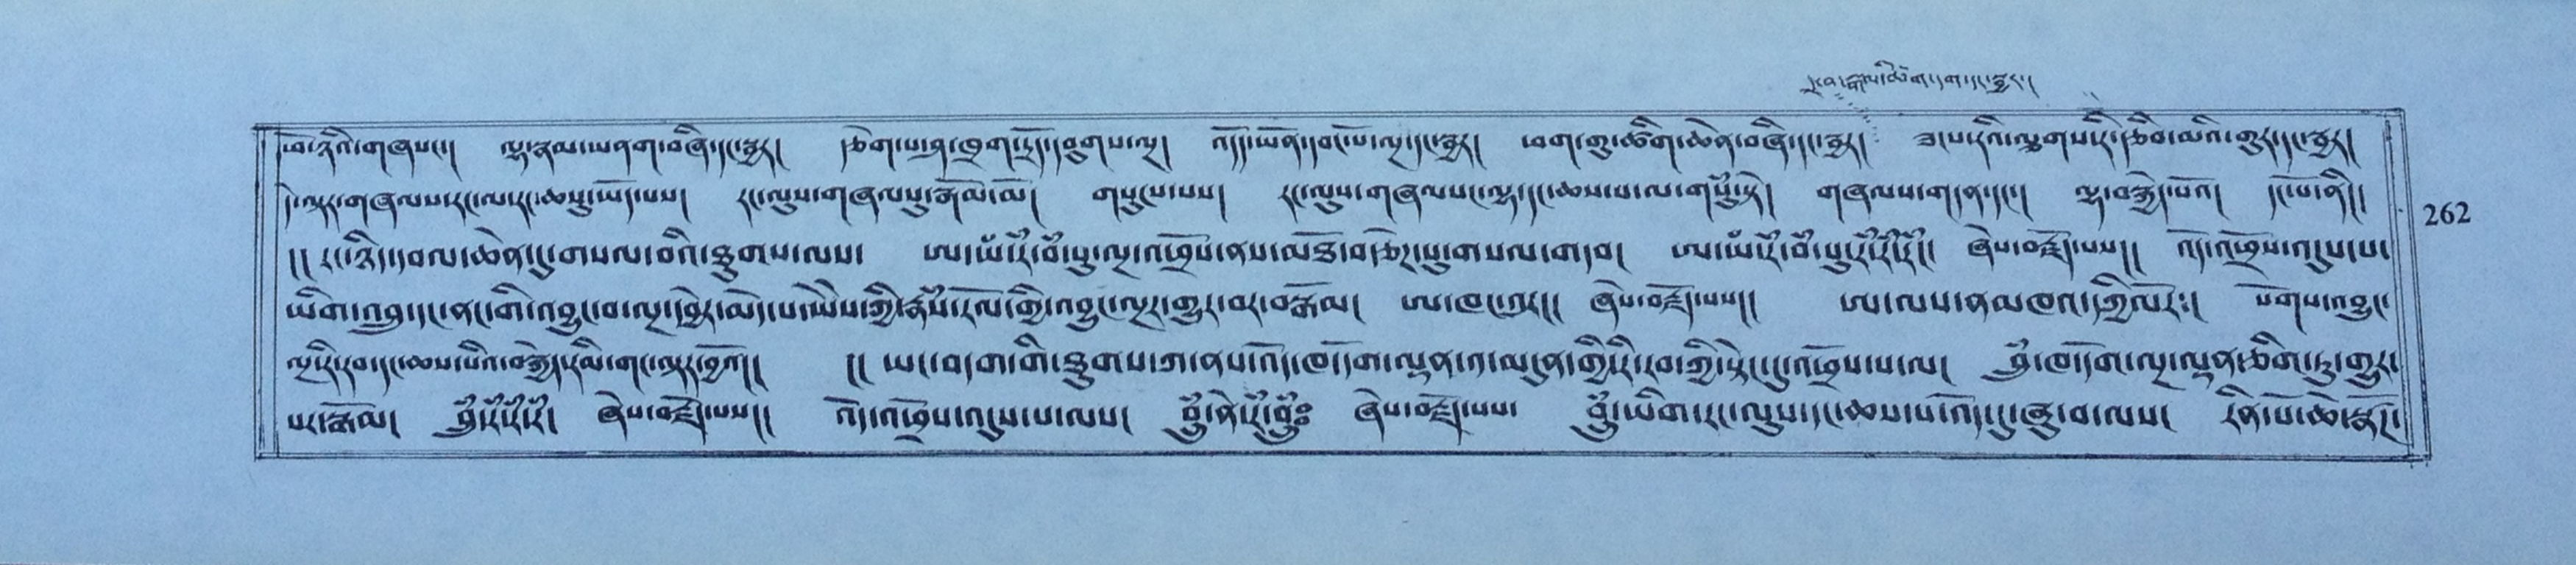ཕོ་ཉའི་གཞལ་ཡས་ཁང་། ལྷ་སྣམ་ཡན་ལག་བཞི་དང་སྦྱར། རྩིག་པ་ཤ་ཁྲག་དྲོད་དབུགས་ལྔ། འདོད་ཡོན་དབང་པོ་ལྔ་དང་སྦྱར། ཕག་གུ་ཚིག་ཆེན་བཞི་དང་སྦྱར། དྲ་བ་སྒལ་ཚིག་དག་དང་སྦྱར། ཟངས་རི་ལྕགས་རི་རྩིབ་མའི་གུར་དང་སྦྱར། 
དེ་ལྟར་གཞལ་ཡས་རང་ལ་རང་ཆས་སུ་ཡོད་པས། རང་ལུས་གཞལ་དུ་བསྒོམ་ལ། གསུངས་པས། རང་ལུས་ལ་གཞལ་ཡས་ཁང་ལྷ་དང་ཆས་པ་བསྒོམ་པ་ལ་གསུམ་སྟེ། གཞལ་ཡས་གདན་དང་། ལྷ་བསྐྱེད་པའོ། དང་པོ་ནི།། 
།།རང་ཉིད་དབལ་ཆེན་དུ་གསལ་བའི་ཐུགས་ལས། ཨ་ཡྃ་རྃ་བྃ་པུ་ལྔ་འཕྲོས་ནས་མཐོ་བརྩེགས་སུ་གསལ་གདབ་ཨ་ཡྃ་རྃ་བྃ་པུ་རཾ་རཾ་རཾ། ཞེས་བརྗོད་པས། འོད་འཕྲོས་འདུས་པ་
ཡིག་འབྲུ་དང་ནང་གི་འབྱུང་བ་ལྔ་དབྱེར་མེད་པ་ཡེ་ཤེས་ཀྱི་རྣམ་རོལ་གྱི་འབྱུང་ལྔར་གྱུར་པར་བསྒོམ། ཨ་ཁང་འུར། ཞེས་བརྗོད་པས། ཨ་ལ་ནམ་མཁའི་དཀྱིལ་འཁོར། སོགས་འབྱུང་
ལྔ་རི་རབ་དང་ཆས་པའི་བསྐྱེད་རིམ་གོང་ལྟར་བྱའོ།། ཡང་བདག་གིས་ཐུགས་ཀ་ནས་འོད་ཁ་དོག་ལྔ་ལྡན་གཅིག་མདུན་གྱི་རི་རབ་ཀྱི་སྟེང་དུ་འཕྲོས་པ་ལ། བྲུྃ་ཁ་དོག་ལྔ་ལྡན་གཅིག་ཏུ་གྱུར་
པར་བསྒོམ། བྲུྃ་རཾ་རཾ་རཾ། ཞེས་བརྗོད་པས། འོད་འཕྲོས་འདུས་པ་ལ། བྲུྃ་ནེ་རྃ་བྲུྃཿ ཞེས་བརྗོད་པས།། བྲུྃ་ཡིག་རང་ལུས་དང་ཆས་པ་འོད་དུ་ཞུ་བ་ལས། རིན་པོ་ཆེ་སྣ་ཚོགས་